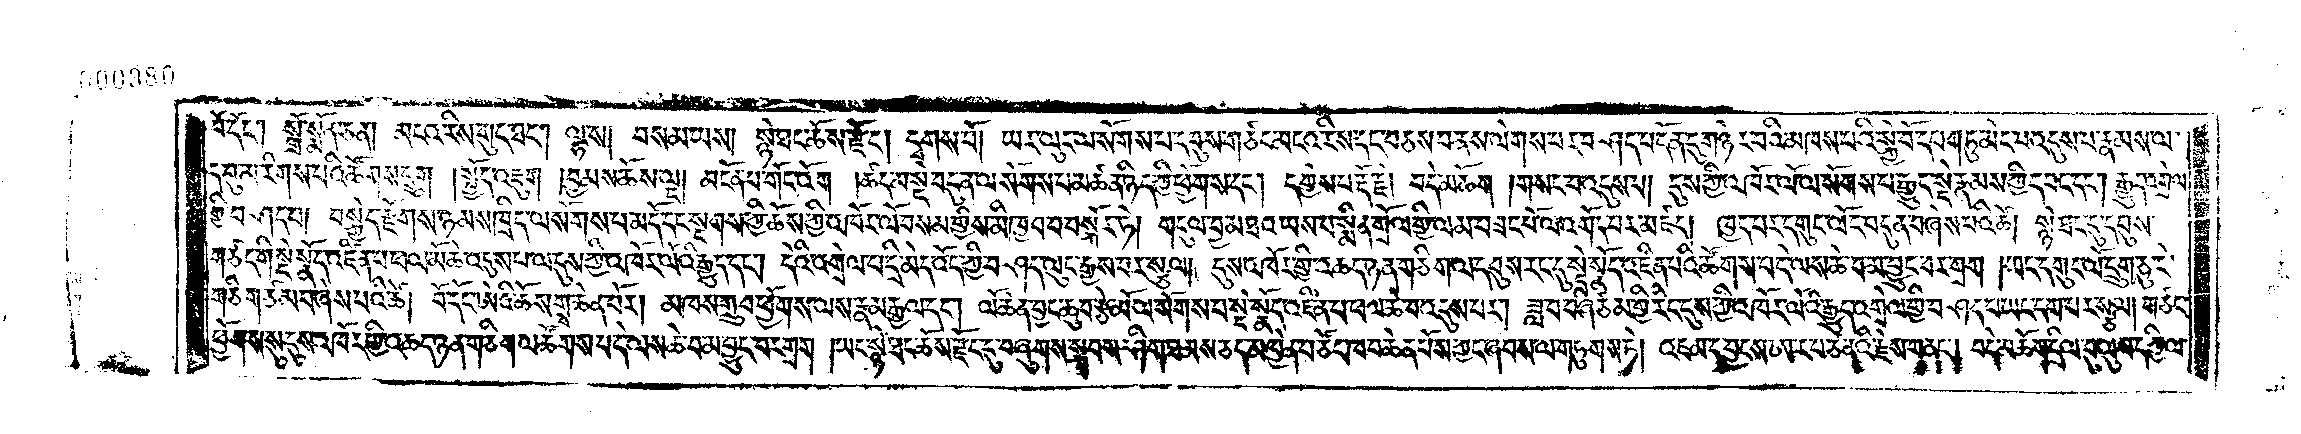བོ་དོང་། སྒྲོ་སྨོན་ཅན། མངའ་རིས་གུང་ཐང་། ལྷས། བསམ་ཡས། སྙེ་ཐང་ཆོས་རྫོང་། དྭགས་པོ། ཡར་ལུང་ལ་སོགས་པ་དབུས་གཙང་མངའ་རིས་དང་བཅས་པ་ནས་ལེགས་པར་བཤད་པ་དོན་དུ་གཉེར་བའི་མཁས་པའི་སྐྱེ་བོ་དཔག་ཏུ་མེད་པ་འདུས་པ་རྣམས་ལ་
དབུ་མ་རིགས་པའི་ཚོགས་དྲུག །སྤྱོད་འཇུག །བྱམས་ཆོས་ལྔ། མངོན་པ་གོང་འོག །ཚད་མ་སྡེ་བདུན་ལ་སོགས་པ་མཚན་ཉིད་ཀྱི་ཕྱོགས་དང་། དགྱེས་པ་རྡོ་རྗེ། བདེ་མཆོག །གསང་པ་འདུས་པ། དུས་ཀྱི་འཁོར་ལོ་ལ་སོགས་བརྒྱུད་སྡེ་རྣམས་ཀྱི་དབང་དང་། རྒྱུད་འགྲེལ་
གྱི་བཤད་པ། བསྐྱེད་རྫོགས་ཉམས་ཁྲིད་ལ་སོགས་པ་མདོ་དང་སྔགས་ཀྱི་ཆོས་ཀྱི་འཁོར་ལོ་བསམ་གྱིས་མི་ཁྱབ་པ་བསྐོར་ཏེ། གདུལ་བྱ་མཐའ་ཡས་པ་སྨིན་གྲོལ་གྱི་ལམ་བཟང་པོ་ལ་འགོད་པར་མཛད། ཁྱད་པར་དགུང་ལོ་ང་བདུན་བཞེས་པའི་ཚེ། སྙེ་ཐང་དུ་དབུས་
གཙང་གི་སྡེ་སྣོད་འཛིན་པ་ཕལ་མོ་ཆེ་འདུས་པ་ལ་དུས་ཀྱི་འཁོར་ལོའི་རྒྱུད་དང་། དེའི་འགྲེལ་པ་དྲི་མེད་འོད་ཀྱི་བཤད་ལུང་རྒྱས་པར་སྩལ། དུས་འཁོར་གྱི་འཆད་ཉན་གཅིག་ལ་དབུས་རང་དུ་སྡེ་སྣོད་འཛིན་པའི་ཚོགས་པ་དེ་ལས་ཆེ་བ་མ་བྱུང་བར་གྲག །ཡང་དགུང་ལོ་དྲུག་ཅུ་རེ་
གཅིག་ཙམ་བ་ཞེས་པའི་ཚེ། བོ་དོང་ཨེའི་ཆོས་གྲྭ་ཆེན་པོར། མཁས་གྲུབ་ཕྱོགས་ལས་རྣམ་རྒྱལ་དང་། ལོ་ཆེན་བྱང་ཆུབ་རྩེ་མོ་ལ་སོགས་པ་སྡེ་སྣོད་འཛིན་པ་ཕལ་ཆེ་བ་འདུས་པར། ཟླ་བ་བཞི་ཙམ་གྱི་རིང་དུས་ཀྱི་འཁོར་ལོའི་རྒྱུད་འགྲེལ་གྱི་བཤད་པ་ཡང་དག་པར་སྩལ། གཙང་
ཕྱོགས་སུ་དུས་འཁོར་གྱི་འཆད་ཉན་གཅིག་ལ་ཚོགས་པ་དེ་ལས་ཆེ་བ་མ་བྱུང་བར་གྲག །ཡང་སྙེ་ཐང་ཆོས་རྫོང་དུ་བཞུགས་སྐབས་ཤིག་ཐམས་ཅད་མཁྱེན་པ་ཙོང་ཁ་བ་ཆེན་པོས་ཀྱང་ཞབས་ལ་གཏུགས་ཏེ། འཇམ་དབྱངས་ཨ་ར་པ་ཙ་ནའི་རྗེས་གནང་། བདེ་མཆོག་དྲིལ་བུ་ལུས་དཀྱིལ་